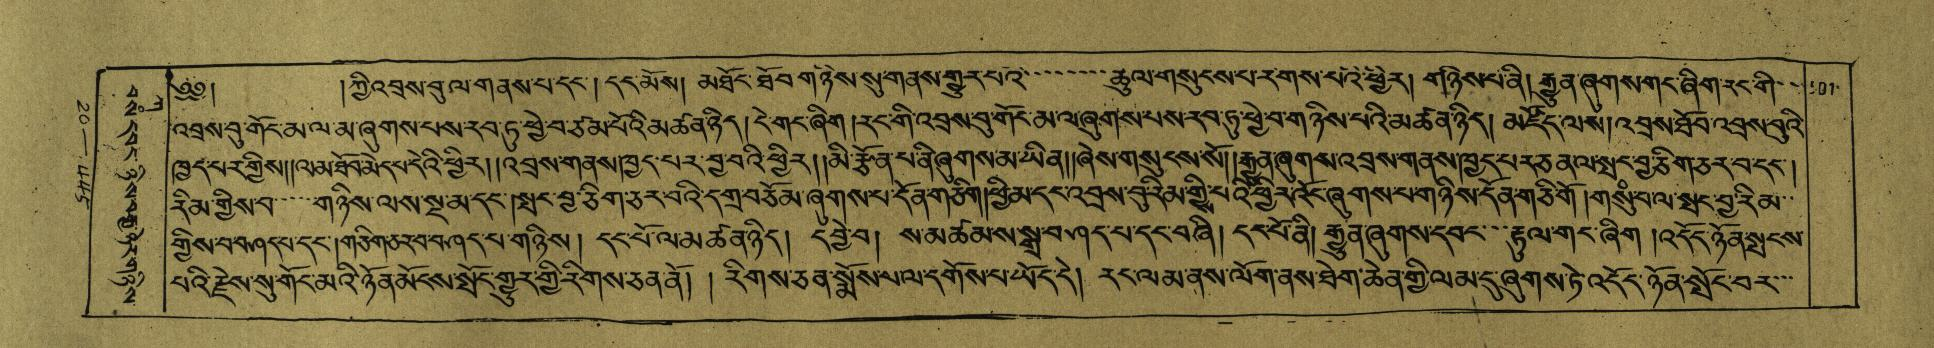༄༅། །ཀྱི་འབྲས་བུ་ལ་གནས་པ་དང་། དད་མོས། མཐོང་ཐོབ་གཉིས་སུ་གནས་གྱུར་པའི་ཚུལ་གསུངས་པ་རིགས་པའི་ཕྱིར། གཉིས་པ་ནི། རྒྱུན་ཞུགས་གང་ཞིག་རང་གི་
འབྲས་བུ་གོང་མ་ལ་མ་ཞུགས་པས་རབ་ཏུ་ཕྱེ་བ་ཙམ་པོའི་མཚན་ཉིད་།དེ་གང་ཞིག། རང་གི་འབྲས་བུ་གོང་མ་ལ་ཞུགས་པས་རབ་ཏུ་ཕྱེ་བ་གཉིས་པའི་མཚན་ཉིད། མཛོད་ལས། འབྲས་ཐོབ་འབྲས་བུའི་
ཁྱད་པར་གྱིས། །ལམ་ཐོབ་མེད་པ་དེའི་ཕྱིར། །འབྲས་གནས་ཁྱད་པར་བྱ་བའི་ཕྱིར། །མི་རྩོན་པ་ནི་ཞུགས་མ་ཡིན། །ཞེས་གསུངས་སོ། །རྒྱན་ཞུགས་འབྲས་གནས་ཁྱད་པར་ཅན་ལ་སྤང་བྱ་ཅིག་ཅར་བ་དང་།
རིམ་གྱིས་བ་གཉིས་ལས་སྔ་མ་དང་། སྤང་བྱ་ཅིག་ཅར་བའི་དགྲ་བཅོམ་ཞུགས་པ་དོན་གཅིག །ཕྱི་མ་དང་འབྲས་བུ་རིམ་གྱིས་པའི་ཕྱིར་འོང་ཞུགས་པ་གཉིས་དོན་གཅིགོ །གསུཾ་པ་ལ་སྤང་བྱ་རིམ་
གྱིས་བ་བཤད་པ་དང་། གཅིག་ཅར་བ་བཤད་པ་གཉིས། དང་པོ་ལ་མཚན་ཉིད། དབྱེ་བ། ས་མཚམས་སྒྲ་བཤད་པ་དང་བཞི། དང་པོ་ནི། རྒྱུན་ཞུགས་དབང་རྟུལ་གང་ཞིག །འདོད་ཉོན་སྤངས་
པའི་རྗེས་སུ་གོང་མའི་ཉོན་མོངས་སྤོང་གྱུར་གྱི་རིགས་ཅན་ནོ། །རིགས་ཅན་སྨོས་པ་ལ་དགོས་པ་ཡོད་དེ། རང་ལམ་ནས་ལོག་ནས་ཐེག་ཆེན་གྱི་ལམ་དུ་ཞུགས་ཏེ་འདོད་ཉོན་སྤོང་བར་